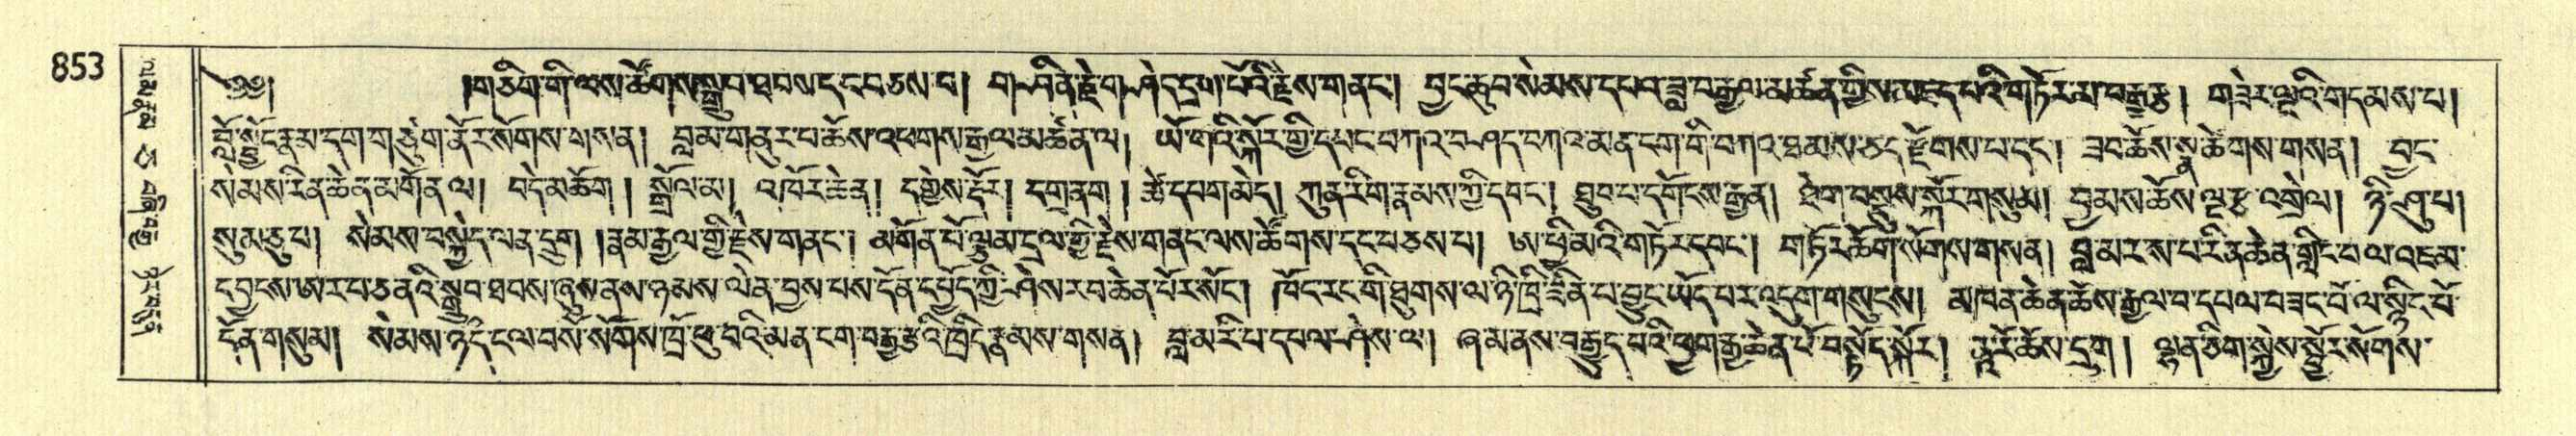༄༅། །གཅིག་གི་ལས་ཚོགས་སྒྲུབ་ཐབས་དང་བཅས་པ། གཤིན་རྗེ་གཤེད་དྲག་པོའི་རྗེས་གནང་། བྱང་ཆུབ་སེམས་དཔའ་ཟླ་བ་རྒྱལ་མཚན་གྱིས་མཛད་པའི་གཏོར་མ་བརྒྱ་རྩ། གཟེར་ལྔའི་གདམས་པ།
བློ་སྦྱོང་རྣམ་དག་གཙུག་ནོར་སོགས་གསན། བླ་མ་གནུར་པ་ཆོས་འཕགས་རྒྱལ་མཚན་ལ། ཡོ་གའི་སྐོར་གྱི་དཔང་བཀའ་བཤད་བཀའ་མན་ངག་གི་བཀའ་ཐམས་ཅད་རྫོགས་པ་དང་། ཟབ་ཆོས་སྣ་ཚོགས་གསན། བྱང་
སེམས་རིན་ཆེན་མགོན་ལ། བདེ་མཆོག། སྒྲོལ་མ། འཁོར་ཆེན། དགྱེས་རྡོར། དགྲ་ནག། ཚེ་དཔག་མེད། ཀུན་རིག་རྣམས་ཀྱི་དབང་། ཐུབ་པ་དགོངས་རྒྱན། ཐེག་བསྡུས་སྐོར་གསུམ། བྱམས་ཆོས་ལྔ་རྩ་འགྲེལ། ཉི་ཤུ་པ།
སུམ་ཅུ་པ། སེམས་བསྐྱེད་ལན་དྲུག །རྣམ་རྒྱལ་གྱི་རྗེས་གནང་། མགོན་པོ་ལྕམ་དྲལ་གྱི་རྗེས་གནང་ལས་ཚོགས་དང་བཅས་པ། ཨ་ཕྱི་མའི་གཏོར་དབང་། གཏོར་ཆོག་སོགས་གསན། བླ་མར་ས་པ་རིན་ཆེན་གླིང་པ་ལ་འཇམ་
དབྱངས་ཨ་ར་པ་ཅ་ནའི་སྒྲུབ་ཐབས་ཞུས་ནས་ཉམས་ལེན་བྱས་པས་དོན་དཔྱོད་ཀྱི་ཤེས་རབ་ཆེན་པོར་སོང་། ཁོང་རང་གི་ཐུགས་ལ་ཉི་ཁྲི་ཟིན་པ་བྱུང་ཡོད་པར་འདུག་གསུངས། མཁན་ཆེན་ཆོས་རྒྱལ་བ་དཔལ་བཟང་བོ་ལ་སྙིང་པོ་
དོན་གསུམ། སེམས་ཉིད་ངལ་བསོ་སོགས་ཁྲོ་ཕུ་བའི་མན་ངག་བརྒྱ་རྩའི་ཁྲིད་རྣམས་གསན། བླ་མ་རི་པ་དཔལ་ཤེས་ལ། ཞ་མ་ནས་བརྒྱུད་པའི་ཕྱག་རྒྱ་ཆེན་པོ་བསྟོད་སྐོར། ནཱ་རོ་ཆོས་དྲུག། ལྷན་ཅིག་སྐྱེས་སྦྱོར་སོགས་